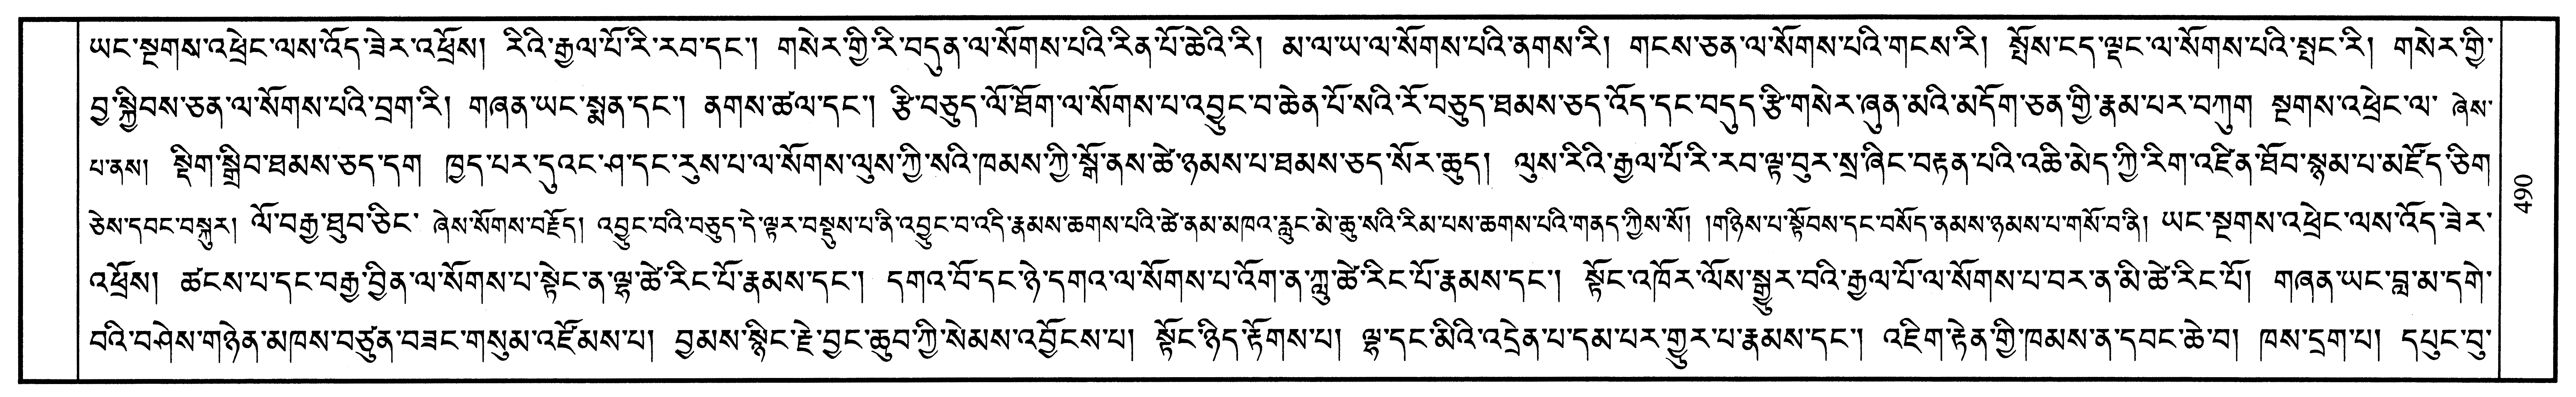ཡང་སྔགས་འཕྲེང་ལས་འོད་ཟེར་འཕྲོས། རིའི་རྒྱལ་པོ་རི་རབ་དང་། གསེར་གྱི་རི་བདུན་ལ་སོགས་པའི་རིན་པོ་ཆེའི་རི། མ་ལ་ཡ་ལ་སོགས་པའི་ནགས་རི། གངས་ཅན་ལ་སོགས་པའི་གངས་རི། སྤོས་ངད་ལྡང་ལ་སོགས་པའི་སྤང་རི། གསེར་གྱི་
བྱ་སྐྱིབས་ཅན་ལ་སོགས་པའི་བྲག་རི། གཞན་ཡང་སྨན་དང་། ནགས་ཚལ་དང་། རྩི་བཅུད་ལོ་ཐོག་ལ་སོགས་པ་འབྱུང་བ་ཆེན་པོ་སའི་རོ་བཅུད་ཐམས་ཅད་འོད་དང་བདུད་རྩི་གསེར་ཞུན་མའི་མདོག་ཅན་གྱི་རྣམ་པར་བཀུག་སྔགས་འཕྲེང་ལ། ཞེས་
པ་ནས། སྡིག་སྒྲིབ་ཐམས་ཅད་དག་ཁྱད་པར་དུའང་ཤ་དང་རུས་པ་ལ་སོགས་ལུས་ཀྱི་སའི་ཁམས་ཀྱི་སྒོ་ནས་ཚེ་ཉམས་པ་ཐམས་ཅད་སོར་ཆུད། ལུས་རིའི་རྒྱལ་པོ་རི་རབ་ལྟ་བུར་སྲ་ཞིང་བརྟན་པའི་འཆི་མེད་ཀྱི་རིག་འཛིན་ཐོབ་སྙམ་པ་མཛོད་ཅིག་
ཅེས་དབང་བསྐུར། ལོ་བརྒྱ་ཐུབ་ཅིང་ཞེས་སོགས་བརྗོད། འབྱུང་བའི་བཅུད་དེ་ལྟར་བསྡུས་པ་ནི་འབྱུང་བ་འདི་རྣམས་ཆགས་པའི་ཚེ་ནམ་མཁའ་རླུང་མེ་ཆུ་སའི་རིམ་པས་ཆགས་པའི་གནད་ཀྱིས་སོ། །གཉིས་པ་སྟོབས་དང་བསོད་ནམས་ཉམས་པ་གསོ་བ་ནི། ཡང་སྔགས་འཕྲེང་ལས་འོད་ཟེར་
འཕྲོས། ཚངས་པ་དང་བརྒྱ་བྱིན་ལ་སོགས་པ་སྟེང་ན་ལྷ་ཚེ་རིང་པོ་རྣམས་དང་། དགའ་བོ་དང་ཉེ་དགའ་ལ་སོགས་པ་འོག་ན་ཀླུ་ཚེ་རིང་པོ་རྣམས་དང་། སྟོང་འཁོར་ལོས་སྒྱུར་བའི་རྒྱལ་པོ་ལ་སོགས་པ་བར་ན་མི་ཚེ་རིང་པོ། གཞན་ཡང་བླ་མ་དགེ་
བའི་བཤེས་གཉེན་མཁས་བཙུན་བཟང་གསུམ་འཛོམས་པ། བྱམས་སྙིང་རྗེ་བྱང་ཆུབ་ཀྱི་སེམས་འབྱོངས་པ། སྟོང་ཉིད་རྟོགས་པ། ལྷ་དང་མིའི་འདྲེན་པ་དམ་པར་གྱུར་པ་རྣམས་དང་། འཇིག་རྟེན་གྱི་ཁམས་ན་དབང་ཆེ་བ། ཁས་དྲག་པ། དཔུང་བུ་